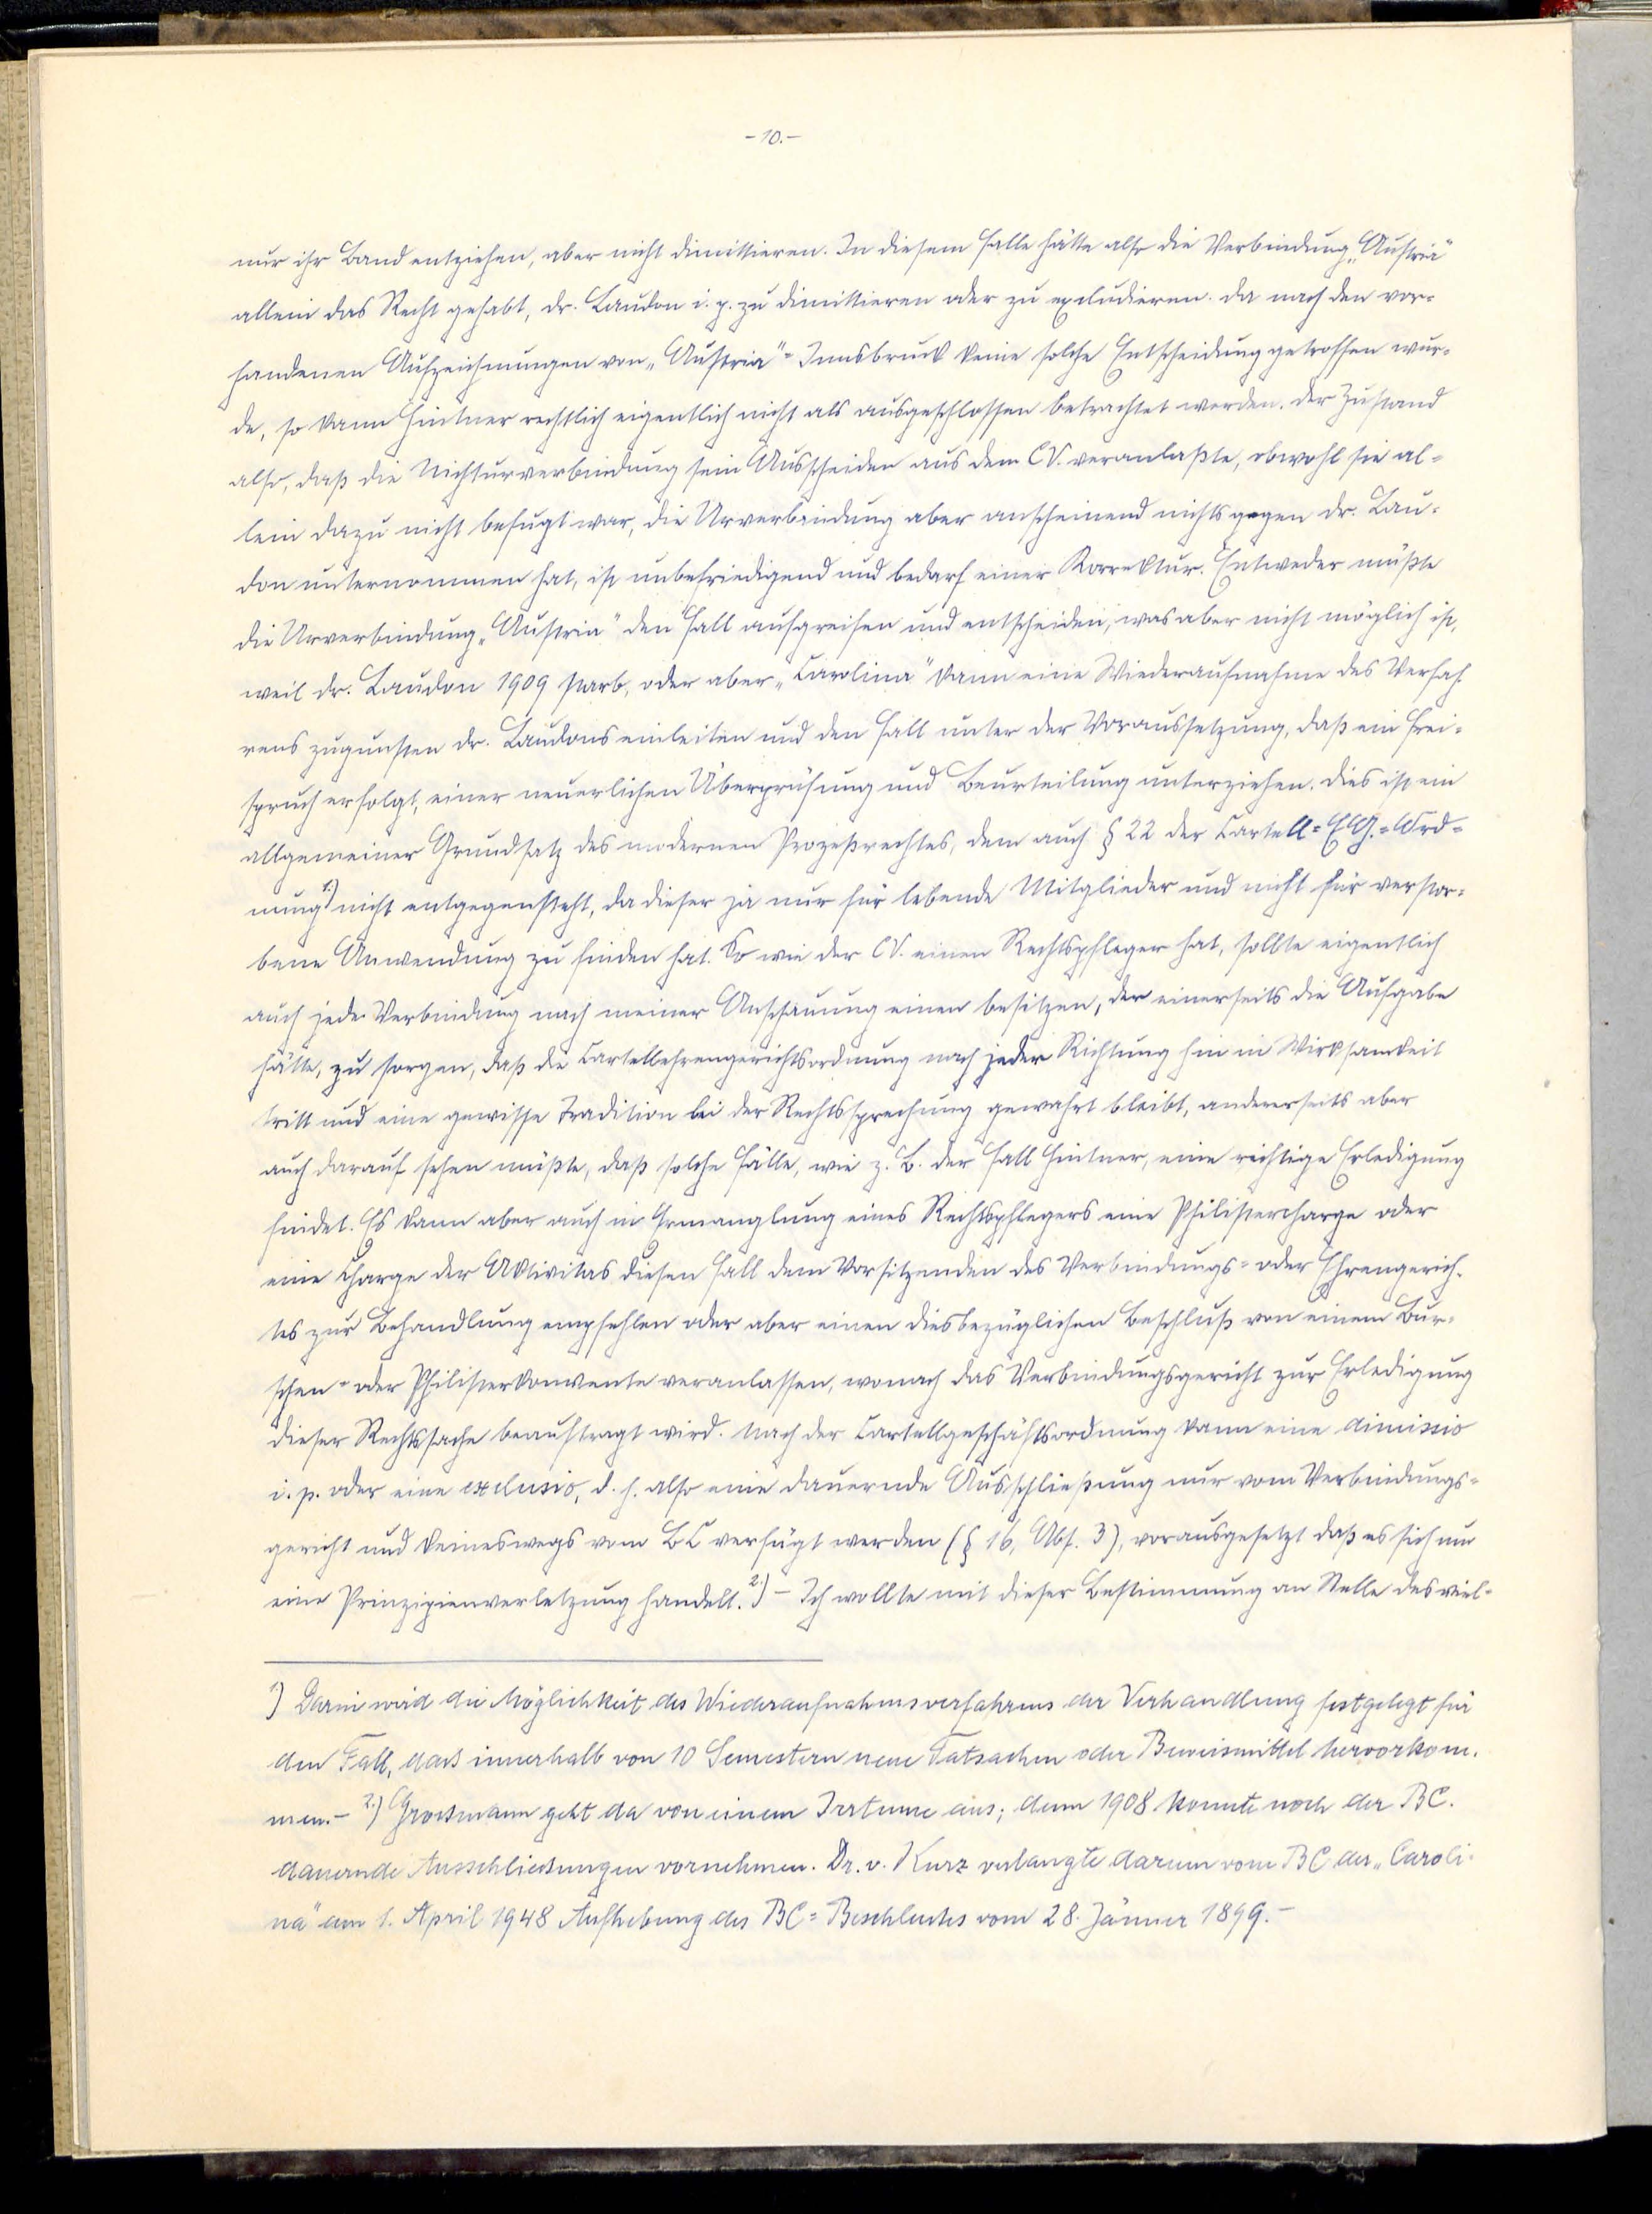10.
nur ihr Band entziehen aber nicht dimittieren. In diesem Falle hätte also die Verbindung "Austria"
allein das Recht gehabt, Dr. Laudon i. p. zu dimittieren aber zu excludieren da nach den vor-
handenen Aufzählungen von "Austria" - Innsbruck keine solche Entscheidung getroffen wur-
de, so kam Hintner rechtlich eigentlich nicht als ausgeschlossen betrachtet werden. Der Zustand
also, daß die Nichturverbindung sein Ausscheiden aus dem CV. veranlaßte, obwohl sie al-
lein dazu nicht befähigt war, die Urverbindung aber anscheinend nichts gegen Dr. Lau-
don unternommen hat, ist unbefriedigend und bedarf einer Korrektur. Entweder müßte
die Urverbindung "Austria" den Fall aufgreigen und entscheiden, was aber nicht möglich ist,
weil Dr. Laudon 1909 starb, oder aber "Carolina" kann eine Wiederaufnahme des Verfah-
rens zugunsten Dr. Laudons einleiten und den Fall unter der Voraussetzung, daß ein Frei-
spruch erfolgt, einer neuerlichen Überprüfung und Beurteilung unterziehen. Dies ist ein
allgemeiner Grundsatz des modernen Prozessrechtes, dem auch §22 der Cartell-EG-Ord-
nung 1.) nicht entgegensteht, da dieser ja nur für lebende Mitglieder und nicht für verstor-
bene Anwendung zu finden hat. So wie der CV einen Rechtspfleger hat, sollte eigentlich
auch jede Verbindung nach meiner Anschauung einen besitzen, der einerseits die Aufgbae
hätte, zu sorgen, daß die Cartellehrengerichtsordnung nach jeder Richtung frei in Wirksamkeit
tritt und eine gewisse Tradition bei der Rechtssprechung gewahrt bleibt, andererseits aber
auch darauf sehen müßte, daß solche Fälle wie z. B. der Fall Hintner, eine richtige Erledigung
findet. Es kann aber auch in Ermangelung eines Rechtspfegers eine Philistercharge oder
eine Charge der Aktivitas diesen Fall dem Vorsitzenden des Verbindungs- oder Ehrengerich-
ts zur Behandlung empfehlen oder aber einen diesbezüglichen Beschluss von einem Bur-
schen - oder Philisterkonvente veranlassen, worauf das Verbindunggericht zur Erledigung
dieser Rechtssache beauftragt wird. Nach der Certellgeschäftsordnung kann eine dimissio
i. p. oder eine excluso d. h. also eine dauernde Ausschließung nur vom Verbindungs-
gericht und keineswegs vom BC verfügt werden (§16, Abs. 3), vorausgesetzt daß es sich um
eine Prinzipienverletzung handelt 2.) - Ich wollte mit dieser Bestimmung an Stelle des viel-
1.) Darin wird die Möglichkeit des Wiederaufnahmeverfahrens der Verhandlung festgelegt für
den Fall, dass innerhalb von 10 Semestern neue Tatsachen oder Beweismittel hervorkom-
men.- 2.) Grossmann geht da von einem Irrtum aus, denn 1908 konnte noch der BC
dauernde Ausschließungen vornehmen. Dr. v. Kurz verlangte darum vom BC der "Caroli-
na" am 1. April 1948 Aufhebung des BC-Beschlusses vom 28. Jänner 1899.